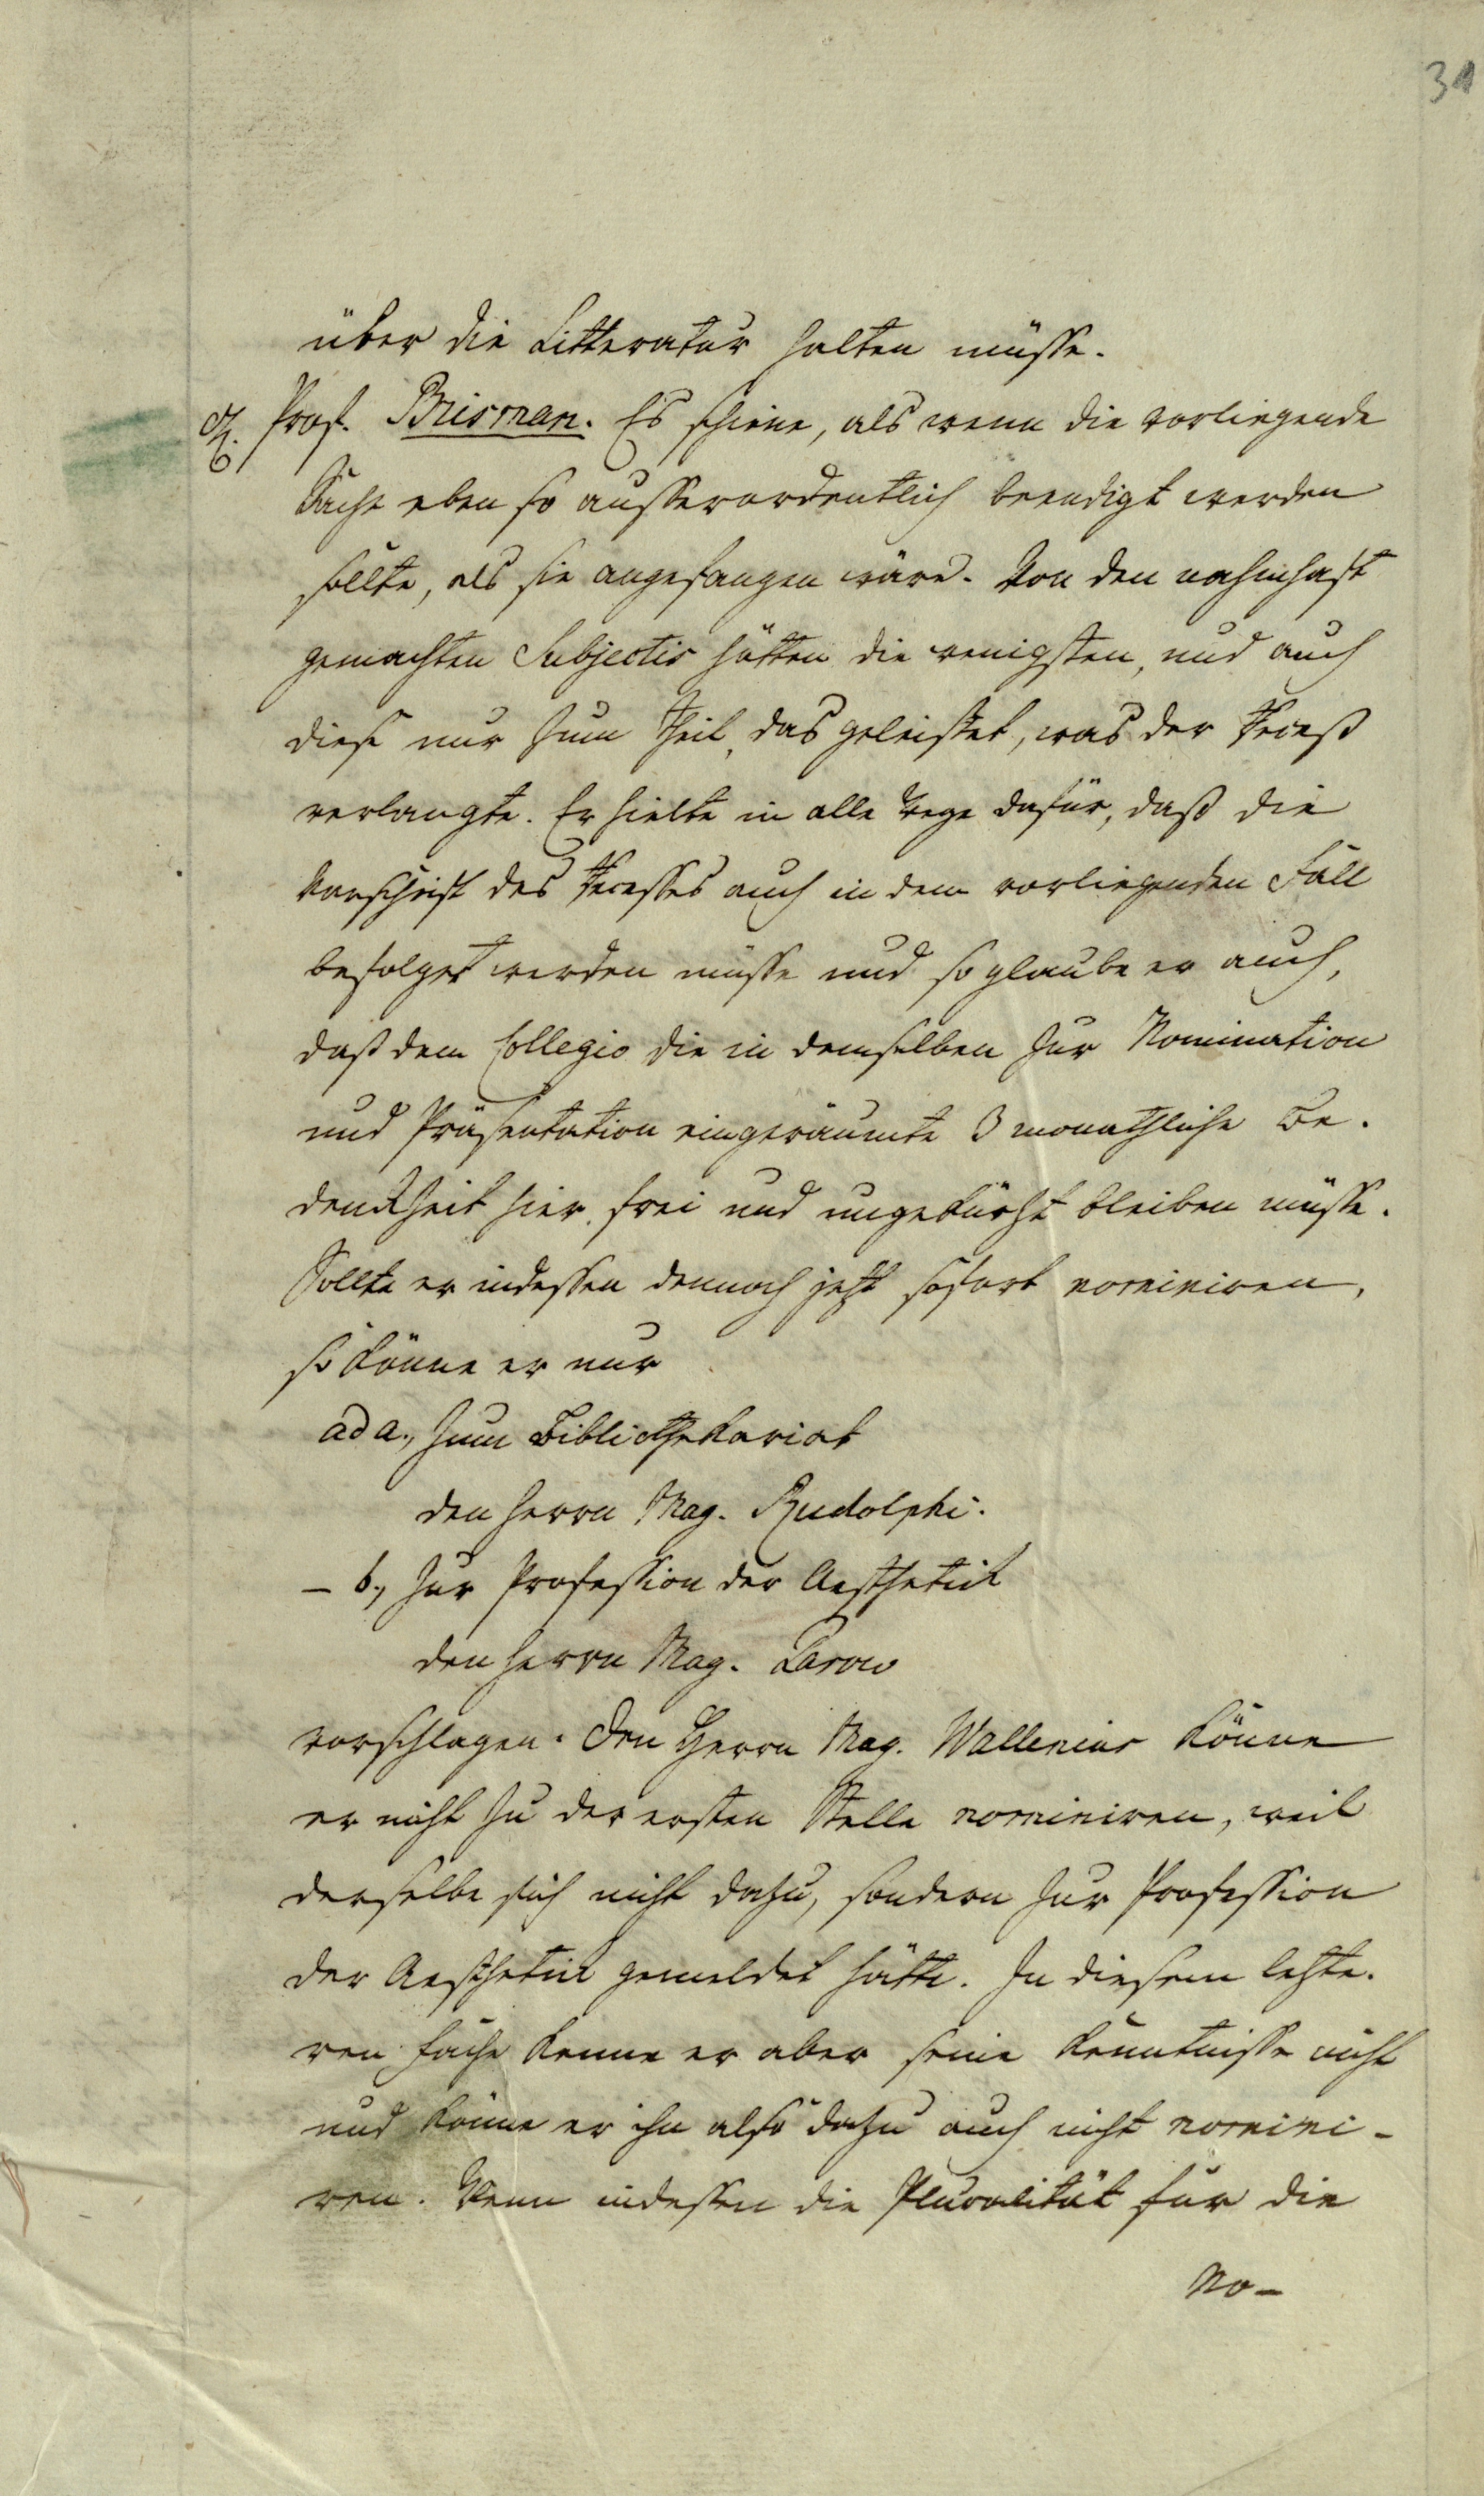über die Litteratur halten müsse.
dh. Prof. Brisman. Es scheine, als wenn die vorliegende
Sache eben so ausserordentlich beendigt werden
sollte, als sie angefangen wäre. Von den nahmhaft
gemachten Subjectis hätten die wenigsten, und auch
diese nur zum Theil, das geleistet, was der Receß
verlangte. Er hielte in alle Wege dafür, daß die
Vorschrift des Recesses auch in dem vorliegenden Fall
befolget werden müsse und so glaube er auch,
daß dem Collegio die in demselben zur Nomination
und Präsentation eingeräumte 3 monatliche Be¬
denkzeit hier frei und ungekürzt bleiben müsse.
Sollte er indessen dennoch jetzt sofort nominiren,
so könne er nur
ad a., zum Bibliothekariat
den Herrn Mag. Rudolphi.
— b., zur Profession der Aesthetick
den Herrn Mag. Larow
vorschlagen. Den Herrn Mag. Wallenius könne
er nicht zu der ersten Stelle nominiren, weil
derselbe sich nicht dazu, sondern zur Profession
der Aesthetick gemeldet hätte. In diesem letzte¬
ren Fache kenne er aber seine Kenntnisse nicht
und könne er ihn also dazu auch nicht nomini¬
ren. Wenn indessen die Pluralität für die
No¬